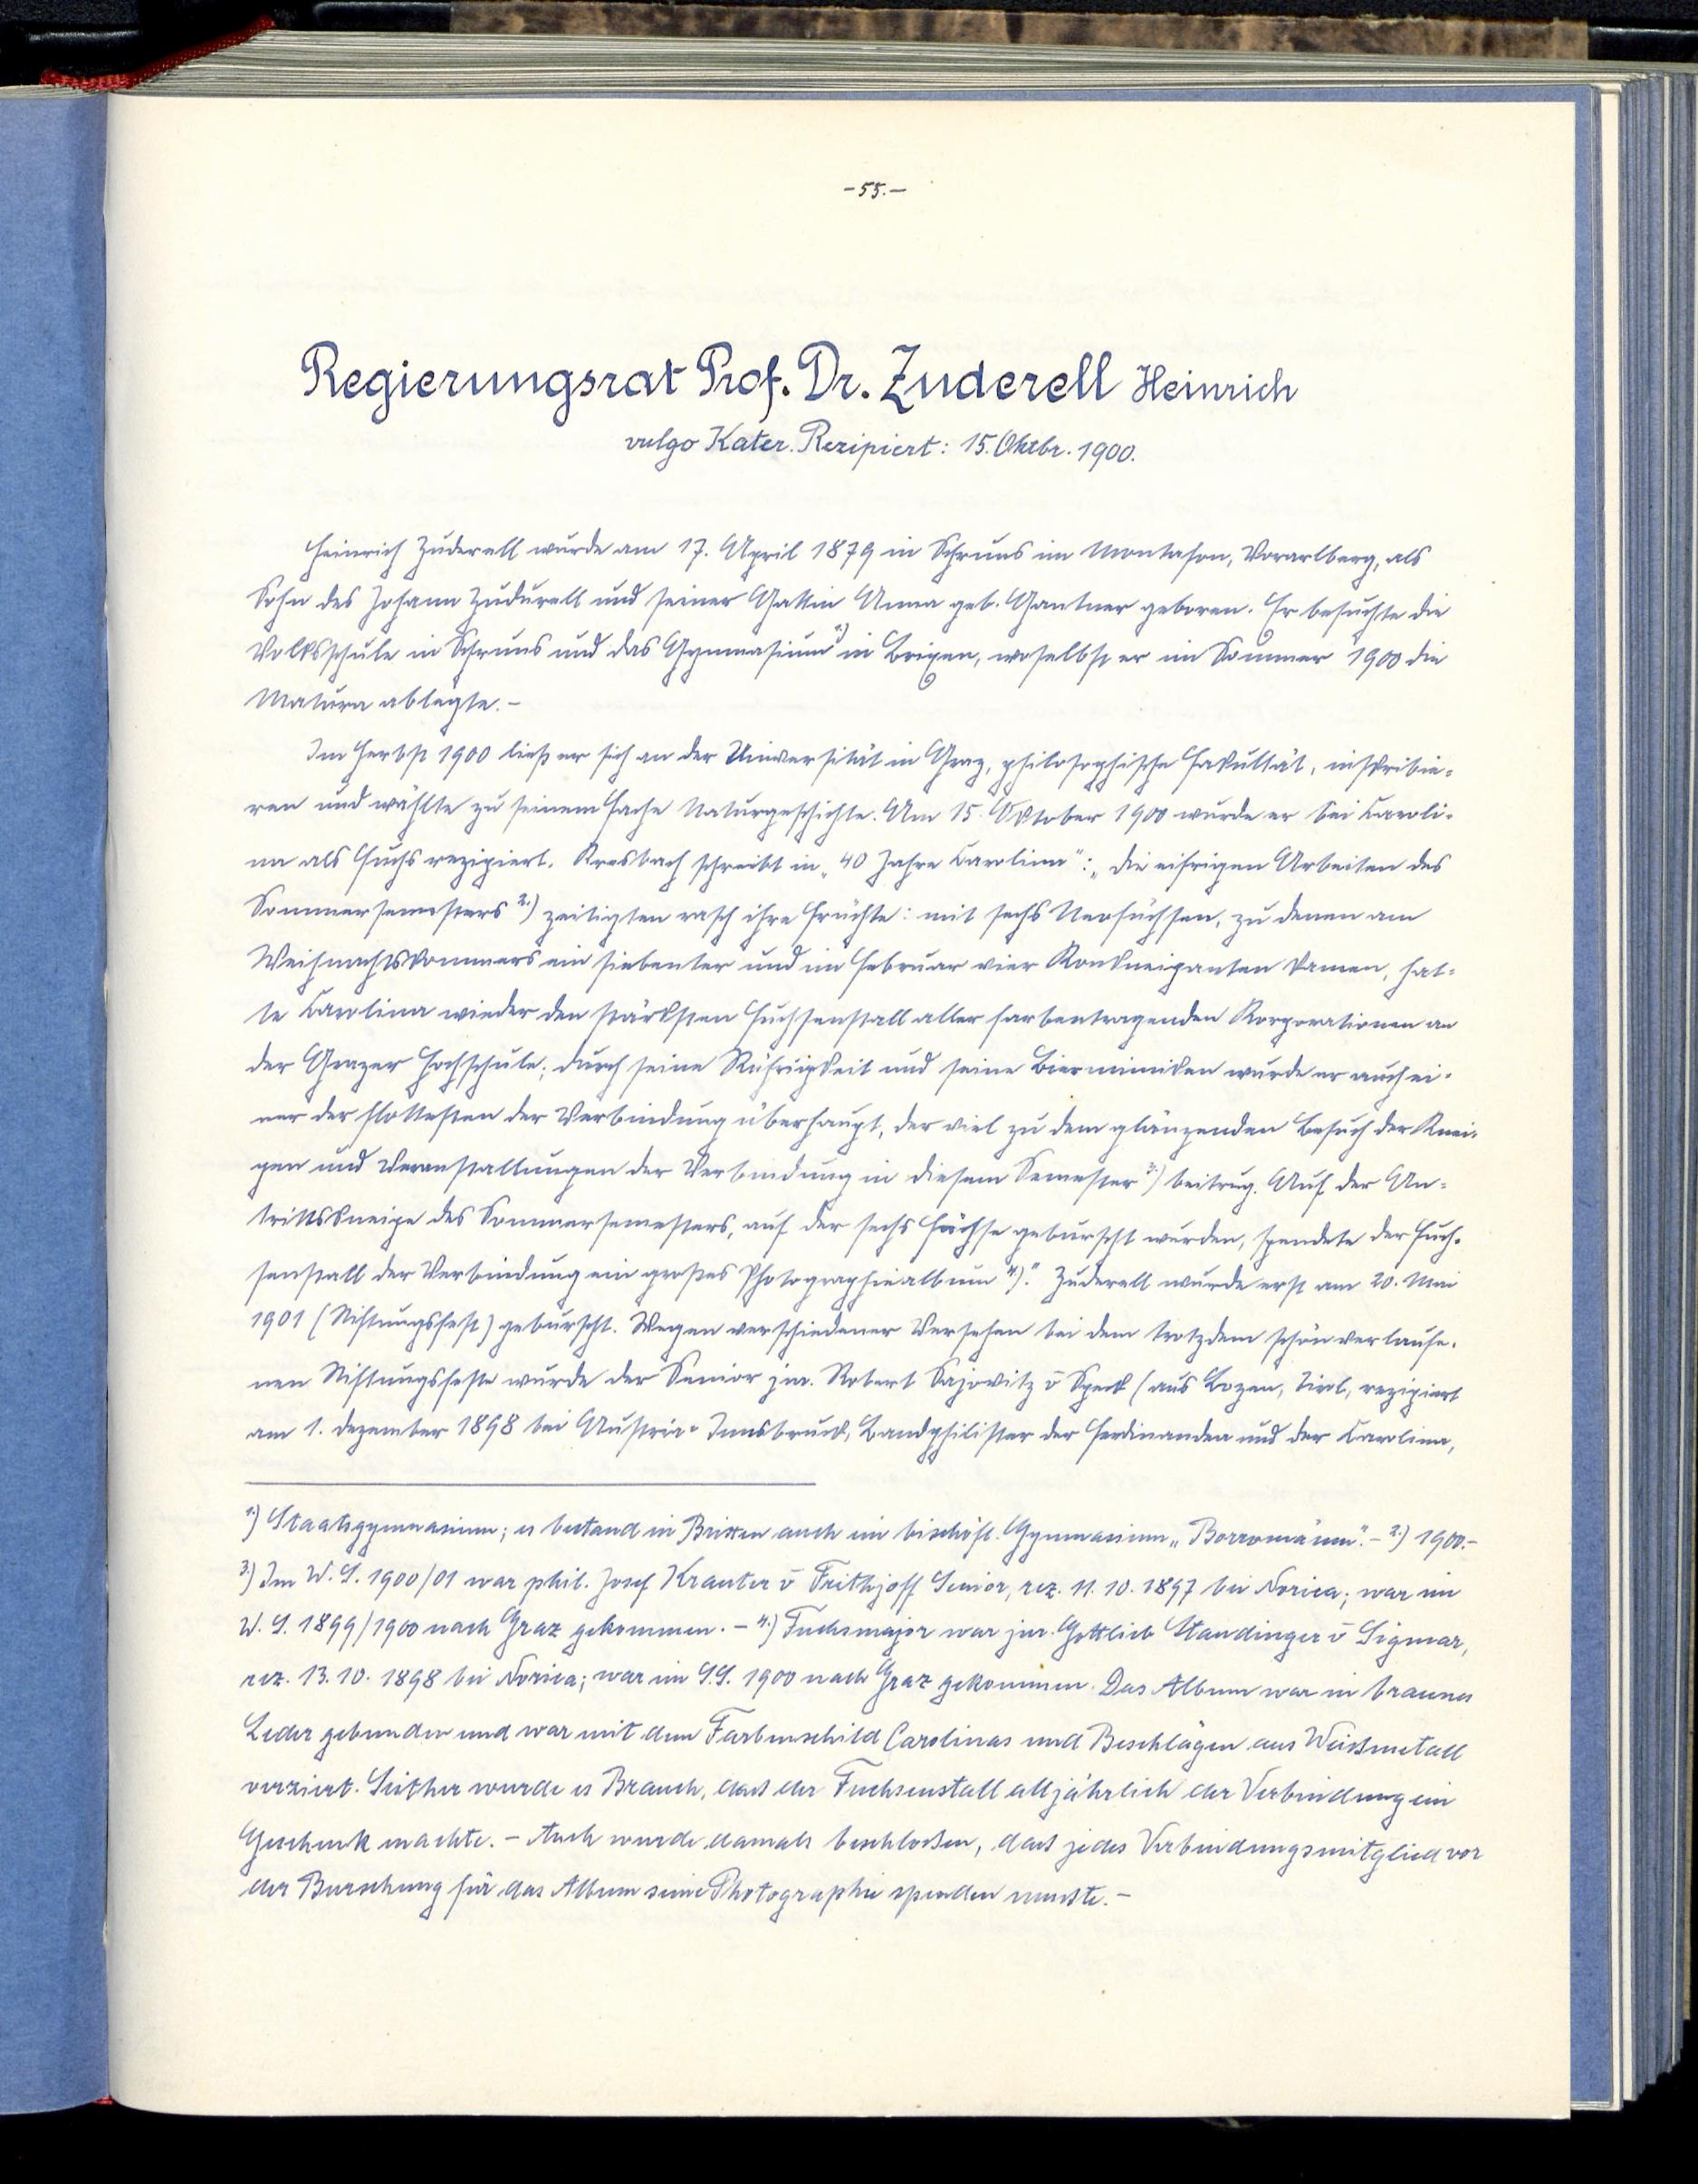55
Regierungsrat Prof. Dr. Zuderell Heinrich
vulgo Kater rez. 15. Oktobr 1900
Heinrich Zuderell wurde am 17. April 1879 in Schruns im Montafon, Vorarlberg, als
Sohn des Johann Zuderell und seiner Gattin Anna geb. Gantner geboren. Er besuchte die
Volksschule in Schruns und das Gymnasium 1) in Brixen, woselbst ein Sommer 1900 die
Matura ablegte.-
Im Herbst 1900 ließ er sich an der Universität in Graz, philosophische Fakultät, inskribie-
ren und wählte zu seinem Fache Naturgeschichte. Am 15. Oktober 1900 wurde er bei Caroli-
na als Fuchs rezipiert. Kresbach schreibt in „40 Jahre Carolina“: die eifrigen Arbeiten des
Sommersemesters 2) zeitigten rasch ihre Früchte: mit sechs Neufüchsen, zu denen am
Weihnachtskommers ein siebenter und im Februar vier Konkneipanten kamen, hat-
te Carolina wieder den stärksten Fuchsenstall aller farbentragenden Korporationen an
der Grazer Hochschule; durch seine Rührigkeit und seine Biermimiken wurde er auch ei-
ner der flottesten der Verbindung überhaupt, der viel zu dem glänzenden Besuch der Knei-
pen und Veranstaltungen der Verbindung in diesem Semester 2) beitrug. Auf der An-
trittskneipe des Sommersemesters, auf der sechs Füchse geburscht wurden, spendete der Fuch-senstall
der Verbindung ein großes Photographiealbum 4) Zuderell wurde erst am 20. Mai
1901 (Stiftungsfest) geburscht. Wegen verschiedener Versehen bei dem trotzdem schön verlaufe-
nen Stiftungsfeste wurde der Senior Robert Sajovitz v/o Sprick (x) (aus Bozen, rezipiert
am 1. Dezember 1898 bei Austria Innsbruck, Bandphilister der Ferdinandea und der Carolina,
1) Staatsgymnasium; es bestand in Brixen auch ein bischöfliches Gymnasium „Borromianum“.- 2) 1900.
Im WS 1900/01 war phil. Josef Krauter v/o Fritzjoff, Senior, rez. 11.10.1897 bei Norica, war im
WS 1899/1900 nach Graz gekommen.- 4) Fuchsmajor nar. iur. Gottlieb Staudinger v/o Sigmar,
rez. 13.10.1898 bei Norica; war im SS 1900 nach Graz gekommen. Das Album war in braunes
Leder gebunden und war mit dem Farbenschild Carolinas und Beschlägen aus Weißmetall
verziert. Seither wurde es Brauch, dass der Fuchsenstall alljährlich der Verbindung ein
Geschenk macht.-Auch wurde damals beschlossen, dass jedes Verbindungsmitglied vor
der Burschung für das Album seine Photographie spenden mußte.-